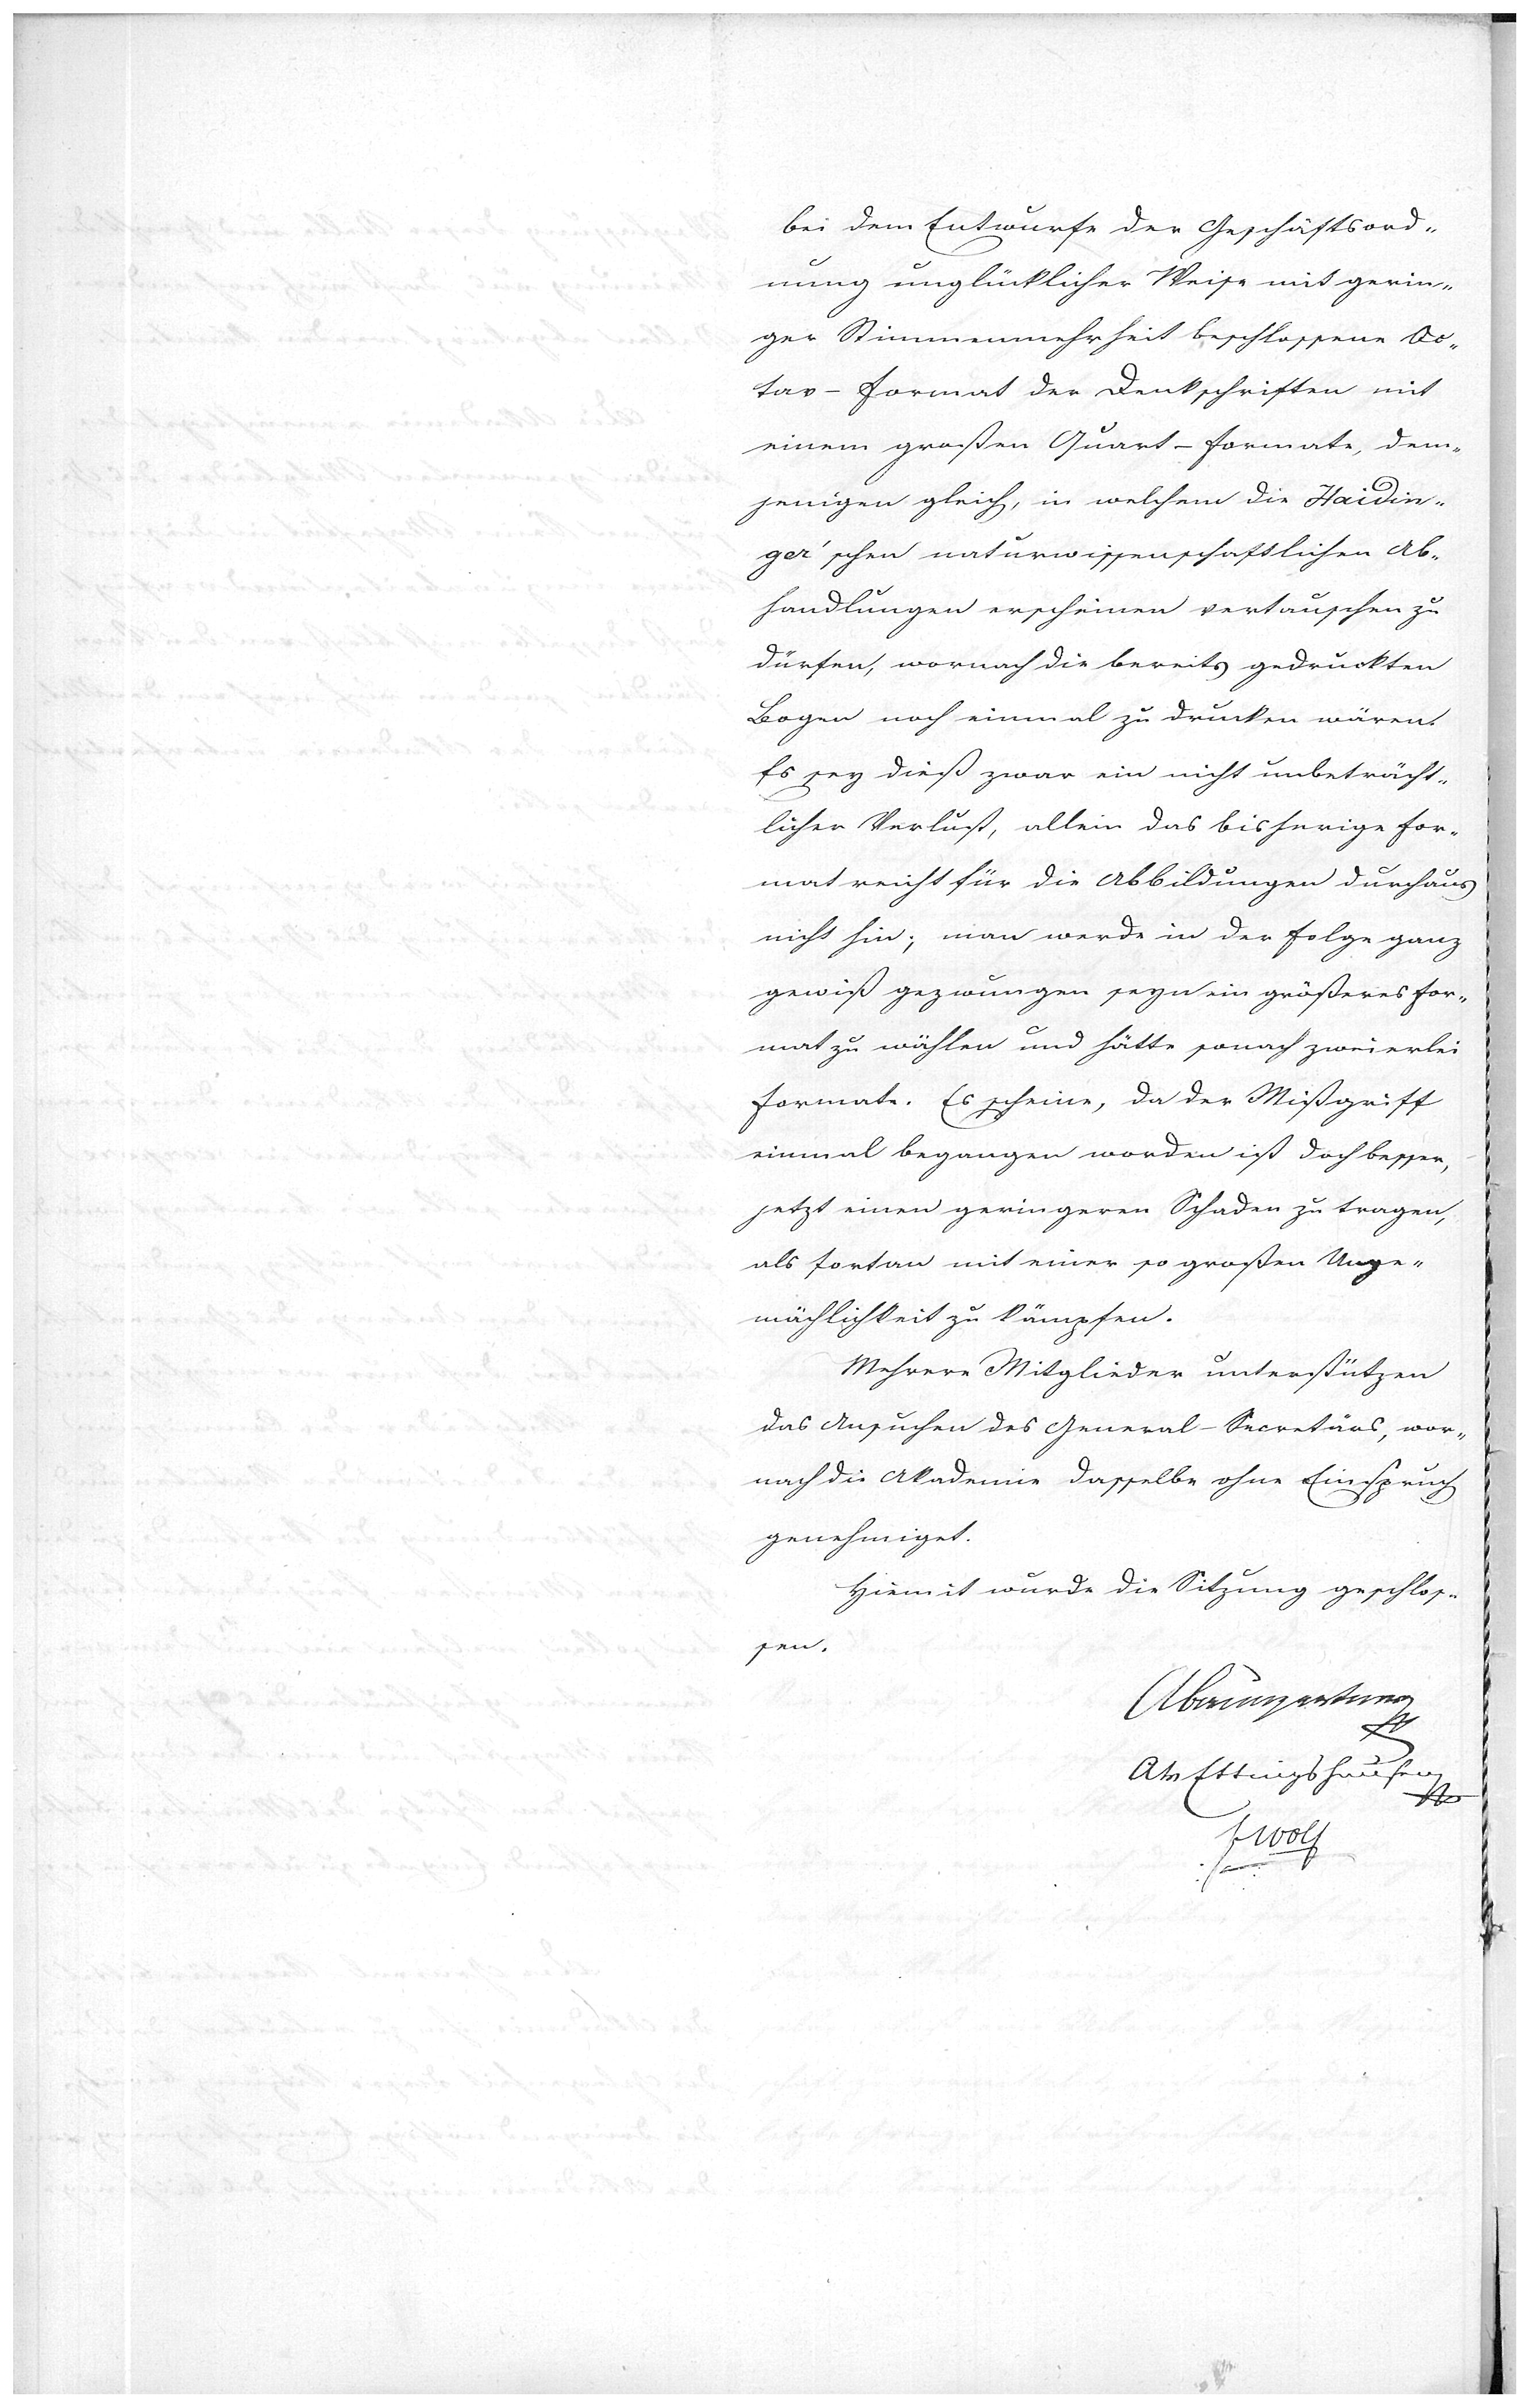bei dem Entwurfe der Geschäftsord-
nung unglücklicher Weise mit gerin-
ger Stimmenmehrheit beschlossene Oc-
tav-Format der Denkschriften mit
einen großen Quart-Formate, dem-
jenigen gleich, in welchem die Haidin-
ger'schen naturwissenschaftlichen Ab-
handlungen erscheinen vertauschen zu
dürfen, wornach die bereits gedruckten
Bogen noch einmal zu drucken wären.
Es sey dieß zwar ein nicht unbeträcht-
licher Verlust, allein das bisherige For-
mat reicht für die Abbildungen durchaus
nicht hin; man werde in der Folge ganz
gewiß gezwungen seyn ein größeres For-
mat zu wählen und hätte sonach zweierlei
Formate. Es scheine, da der Mißgriff
einmal begangen worden ist doch besser,
jetzt einen geringeren Schaden zu tragen,
als fortan mit einer so großen Unge-
mächlichkeit zu kämpfen.
Mehrere Mitglieder unterstützen
das Ansuchen des General-Secretärs, wor-
nach die Akademie dasselbe ohne Einspruch
genehmiget.
Hiemit wurde die Sitzung geschlos-
sen.
ABaumgartner
AvEttingshausen
FWolf